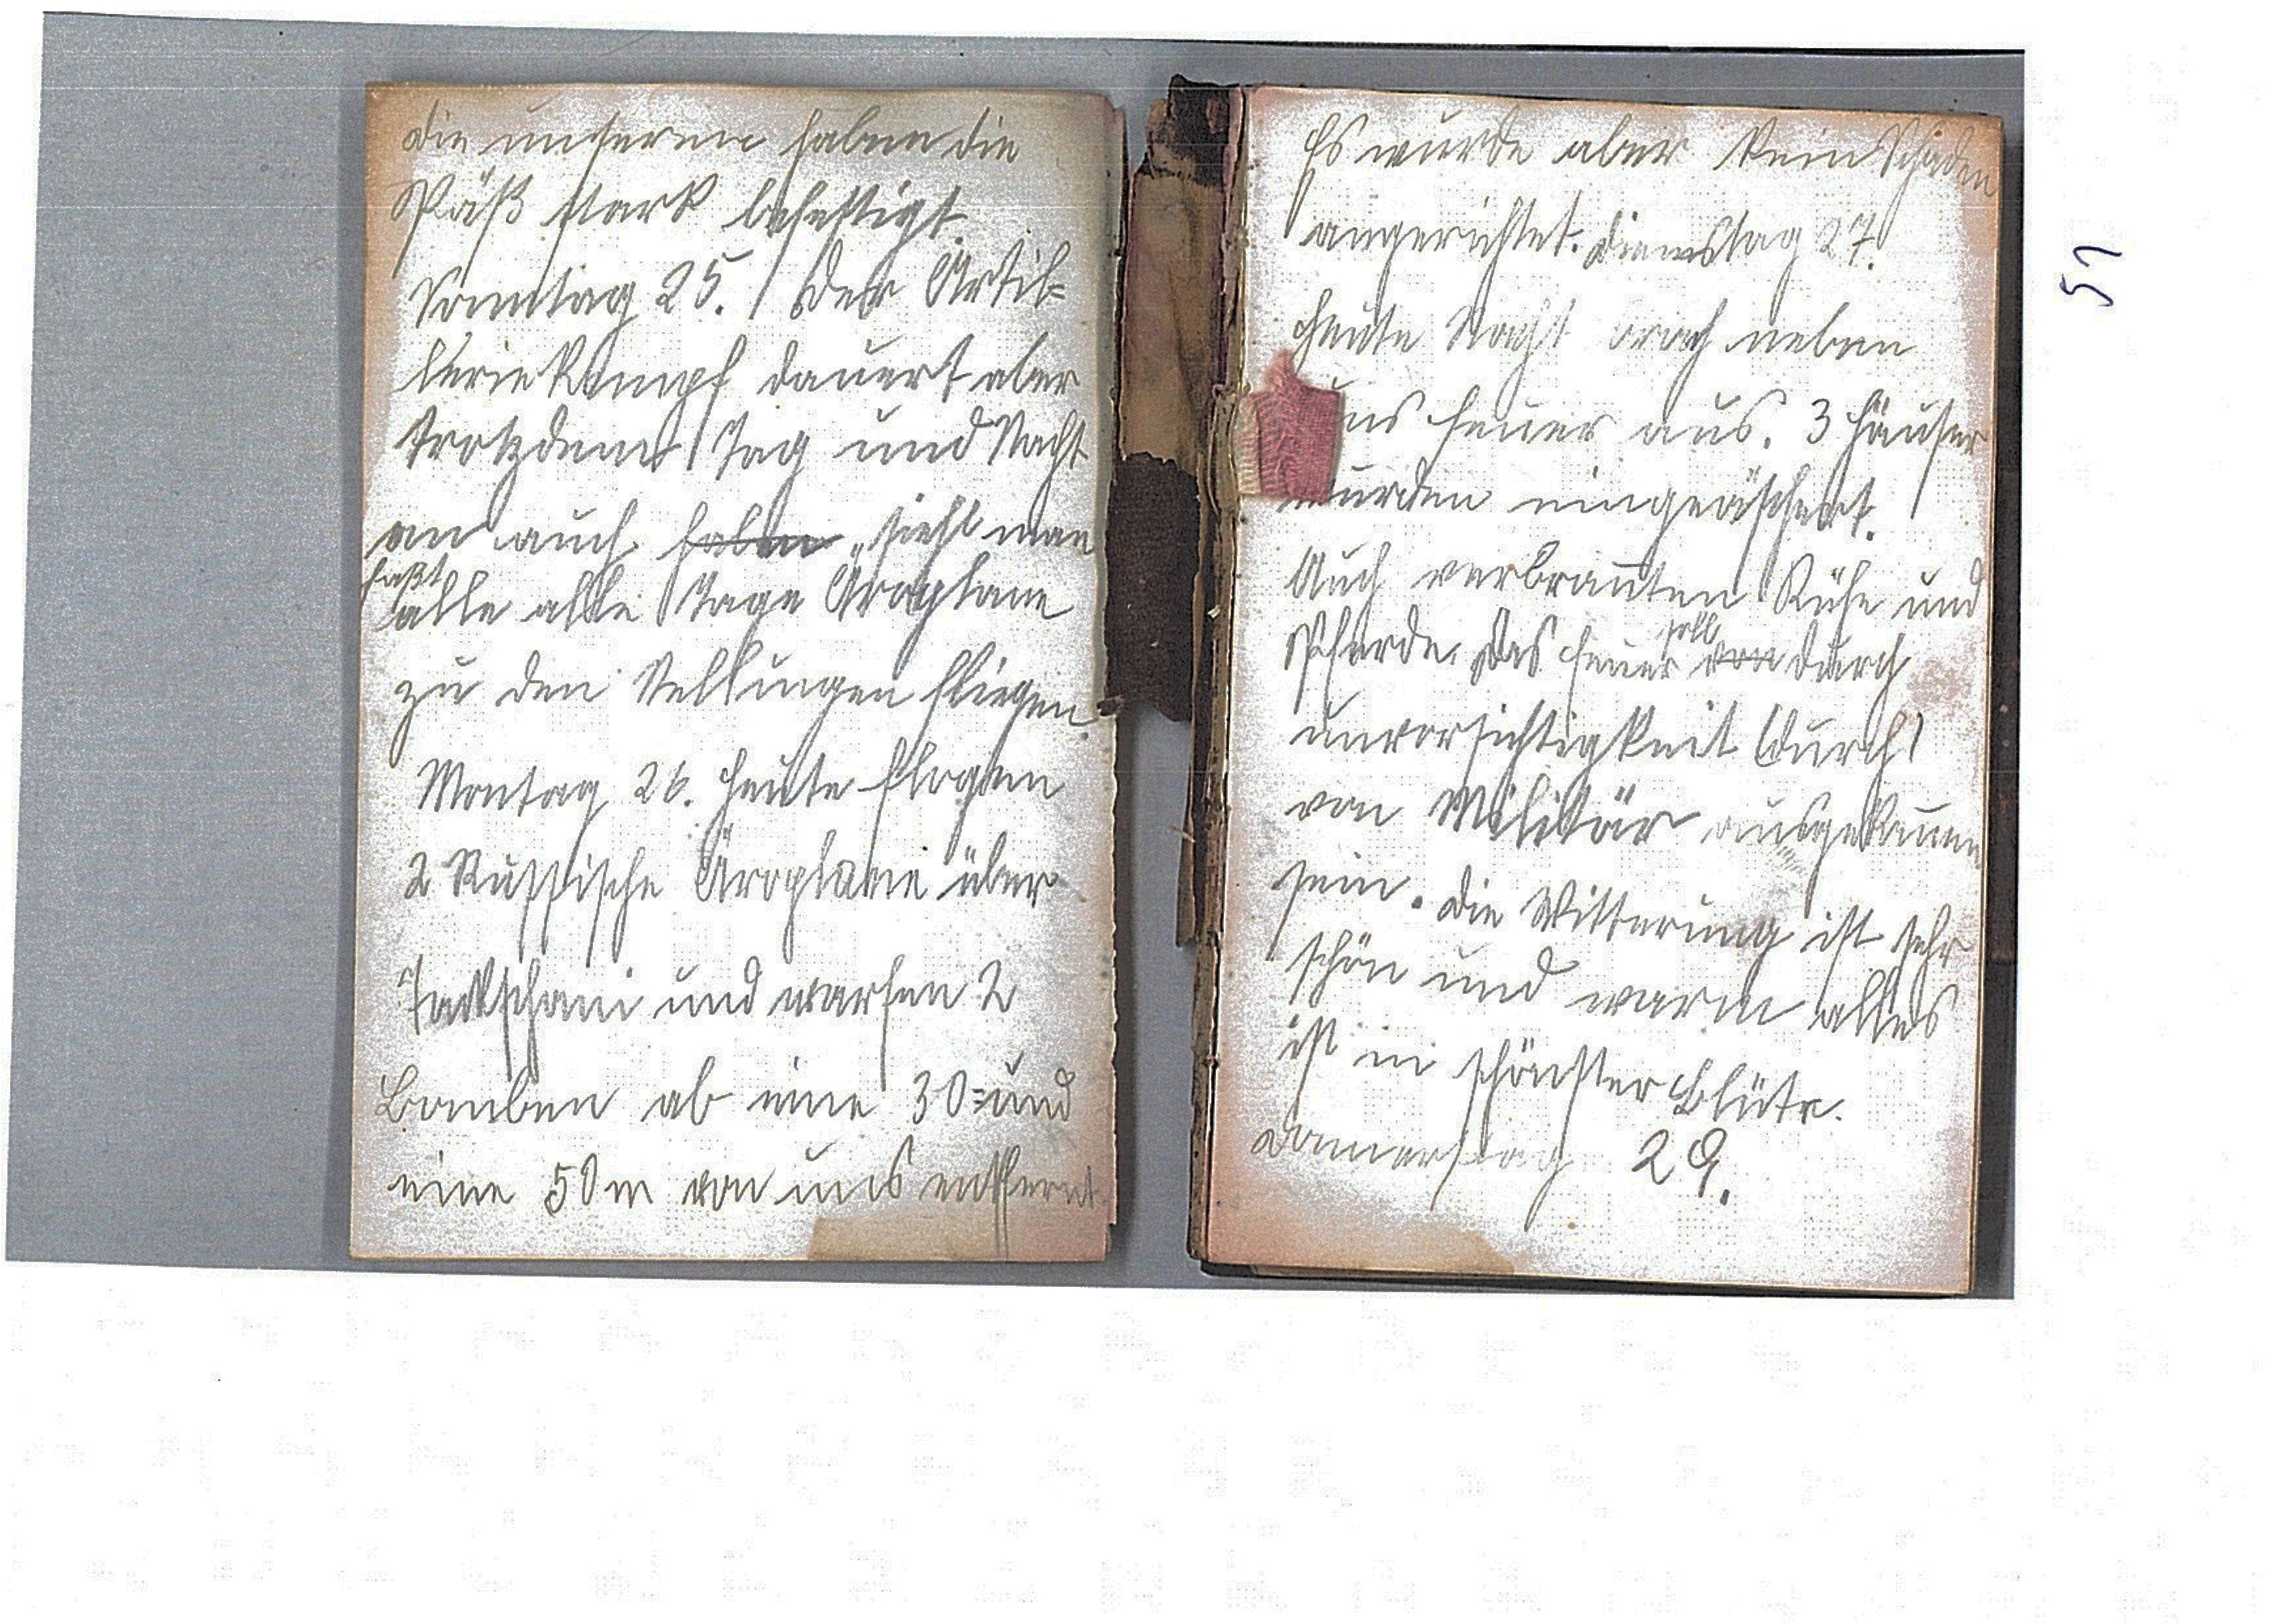die unseren haben die
Päß stark befestigt.
Sonntag 25. Der Artil-
lerie Kampf dauert aber
trotzdem Tag und Nacht
an auch sieht man
faßt alle alle Tage Äroplane
zu den Stellungen fliegen.
Montag 26. heute flogen
2 Russische Äroplane über
Kartschani und warfen 1
Bomben ab in 30 und
min 50 m von uns entfernt.
Es wurde aber kein Schaden
angerichtet. Dienstag 27.
heute Nacht brach neben
uns feuer aus. 3 Häuser
wurden eingeäschert.
Auch verbrannten Kühe und
Pferde das feuer soll durch
Unvorsichtigkeit (durch)
von Militär ausgebrochen
sein. Die Witterung ist sehr
schön und warm alles
ist in schönster Blüte.
Donnerstag 29.